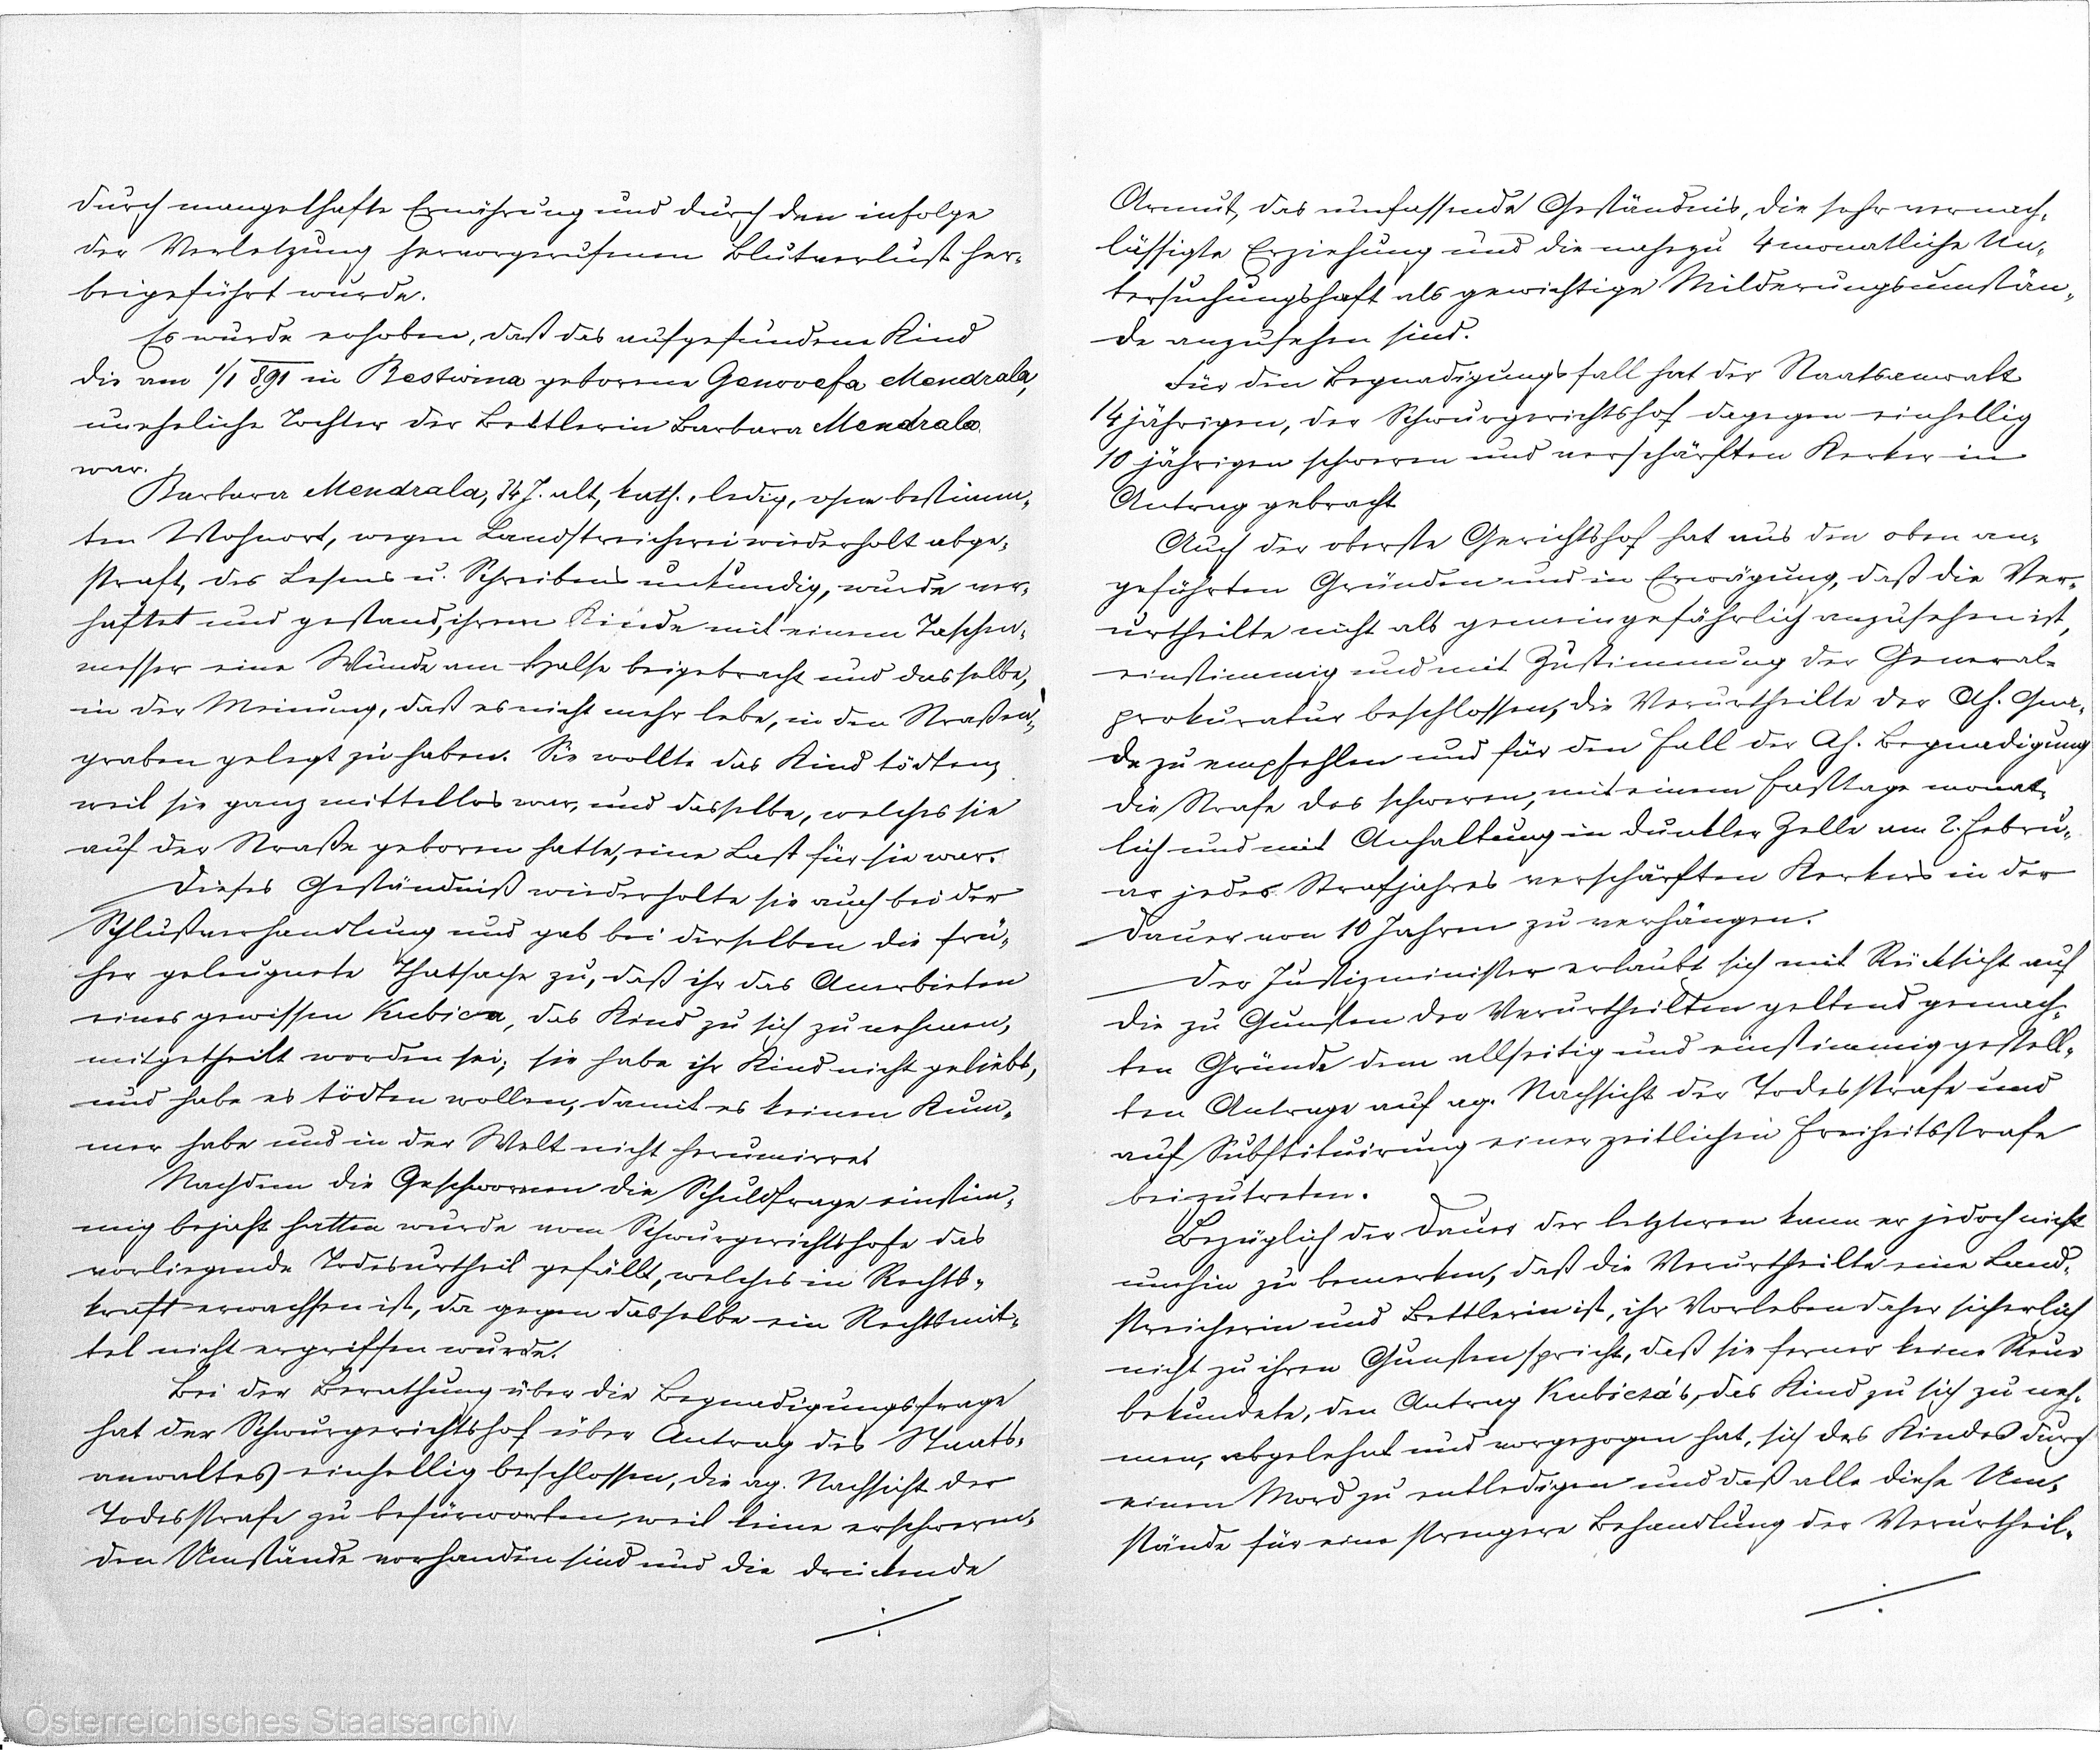durch mangelhafte Ernährung und durch den infolge
die Verletzung hervorgerufenen Blutverlust her¬
beigeführt wurde.
Es wurde erhoben, daß das aufgefundene Kind
die am 1/1 1891 in Bostwina geborene Genovefa Mendrala
uneheliche Tochter der Bettlerin Barbara Mendrala
war.
Barbara Mendrala, 34 J. alt, kath., ledig, ohne bestimm¬
ten Wohnort, wegen Landstreicherei wiederholt abge¬
straft, des Lesens u Schreibens unkundig, wurde ver¬
haftet und gestand, ihrem Kinde mit einem Taschen¬
messer eine Wunde am Halse beigebracht und dasselbe,
in der Meinung, daß es nicht mehr lebe, in den Straßen¬
graben gelegt zu haben. Sie wollte das Kind tödten,
weil sie ganz mittellos war, und dasselbe, welches sie
auf der Straße geboren hatte, eine Last für sie war.
Dieses Geständniß wiederholte sie auch bei der
Schlußverhandlung und gab bei derselben die frü¬
her geleugnete Thatsache zu, daß ihr das Anerbieten
eines gewissen Kubica, das Kind zu sich zu nehmen,
mitgetheilt werden sei; sie habe ihr Kind nicht geliebt,
und habe es tödten wollen, damit es keinen Kum¬
mer habe und in der Welt nicht herumirre.
Nachdem die Geschworenen die Schuldfrage einstim¬
mig bejaht hatten wurde vom Schurgerichtshofe des
vorliegende Todesurtheil gefällt, welches in Recht¬
skraft erwachsen ist, da gegen dasselbe ein Rechtsmit¬
tel nicht ergriffen wurde.
Bei der Berathung über die Begnadigungsfrage
hat der Schurgerichtshof über Antrag des Staats¬
anwaltes einhellig beschlossen, die ag. Nachsicht der
Todesstrafe zu befürworten, weil keine erschweren¬
den Umstände vorhanden sind und die drückende
Armut, das umfassende Geständnis, die sehr vernach¬
lässigte Erziehung und die nahezu 4monatliche Un¬
tersuchungshaft als gewichtige Milderungsumstän¬
de anzusehen sind.
Für den Begnadigungsfall hat der Staatsanwalt
14jährigen, der Schwurgerichtshof dagegen einhellig
10jährigen schweren und verschärften Kerker in
Antrag gebracht.
Auch der oberste Gerichtshof hat aus den oben an¬
geführten Gründen und in Erwägung, daß die Ver¬
urtheilte nicht als gemeingefährlich anzusehen ist,
einstimmig und mit Zustimmung der General¬
prokuratur beschlossen, die Verurtheilte der Ah. Gna¬
de zu empfehlen und für den Fall der Ah. Begnadigung
die Strafe des schweren, mit einem Fasttage monat¬
lich und mit Anhaltung in dunkler Zelle am 2. Febru¬
ar jedes Strafjahers verschärften Kerkers in der
Dauer von 10 Jahren zu verhängen.
Der Justizminister erlaubt sich mit Rücksicht auf
die zu Gunsten der Verurtheilten geltend gemach¬
ten Gründe dem allseitig und einstimmig gestell¬
ten Antrage auf ag. Nachsicht der Todesstrafe und
auf Substituirung einer zeitlichen Freiheitsstrafe
beizutreten.
Bezüglich der Dauer der letzteren kann er jedoch nicht
umhin zu bemerken, daß die Verurtheilte eine Land¬
streicherin und Bettlerin ist, ihr Vorleben daher sicherlich
nicht zu ihren Gunsten spricht, das sie ferner keine Reue
bekundete, den Antrag Kubicza’s, das Kind zu sich zu neh¬
men, abgelehnt und vorgezogen hat, sich des Kindes durch
einen Mord zu entledigen und daß alle diese Um¬
stände für eine strengere Behandlung der Verurtheil¬